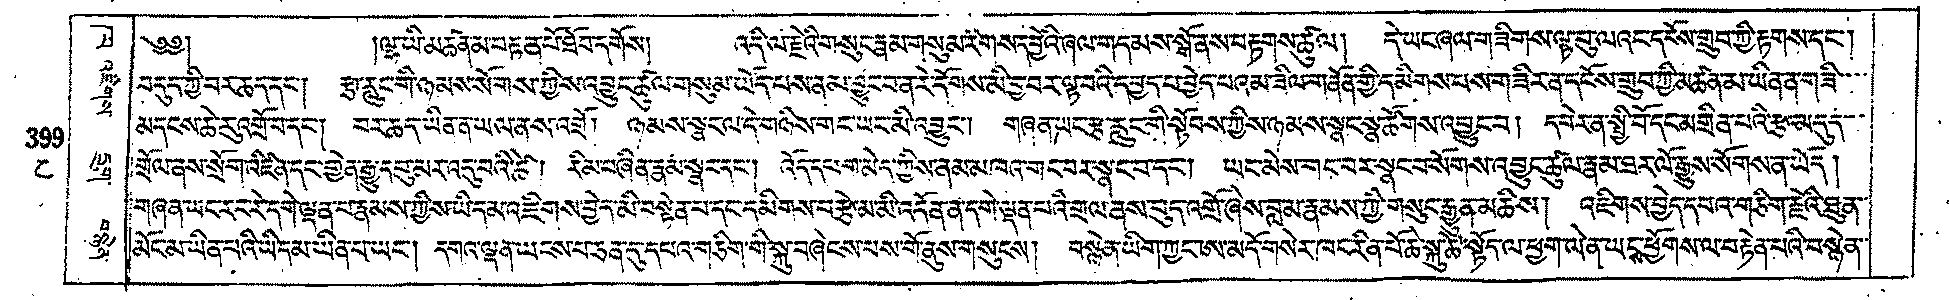༄༅། །ལྷ་ཡི་མཚན་མ་བརྟན་པོ་ཐོབ་དགོས། འདི་ལ་རྗེའི་གསུང་རྣམ་གསུམ་རིགས་དབྱེའི་ཞལ་གདམས་སྒོ་ནས་བརྟགས་ཚུལ། དེ་ཡང་ཞལ་གཟིགས་ལྟ་བུ་ལའང་དངོས་གྲུབ་ཀྱི་རྟགས་དང་།
བདུད་ཀྱི་བར་ཆད་དང་། རྩ་རླུང་གི་ཉམས་སོགས་ཀྱིས་འབྱུང་ཚུལ་གསུམ་ཡོད་པས་ནམ་བྱུང་བ་ན་རེ་དོགས་མི་བྱ་བར་ལྟ་བའི་དཔྱད་པ་བྱེད་པའམ་ཟིལ་གནོན་གྱི་དམིགས་པས་གཟིར་ན་དངོས་གྲུབ་ཀྱི་མཚན་མ་ཡིན་ན་གཟི་་་
མདངས་ཆེ་རུ་འགྲོ་བ་དང་། བར་ཆད་ཡིན་ན་ཡལ་ནས་འགྲོ། ཉམས་སྣང་ལ་དེ་གཉིས་གང་ཡང་མི་འབྱུང་། གཞན་ཡང་རྩ་རླུང་གི་སྟོབས་ཀྱིས་ཉམས་སྣང་སྣ་ཚོགས་འབྱུང་བ། དཔེར་ན་སྤྱི་བོ་དང་མགྲིན་པའི་རྩ་མདུད་་་
གྲོལ་ནས་སྲོག་འཛིན་དང་གྱེན་རྒྱུ་དབུ་མར་འདུ་བའི་ཚེ། རིམ་བཞིན་རྣམ་སྣང་དང་། འོད་དཔག་མེད་ཀྱིས་ནམ་མཁའ་གང་བར་སྣང་བ་དང་། ཡང་མེས་གང་བར་སྣང་བ་སོགས་འབྱུང་ཚུལ་རྣམ་ཐར་ལོ་རྒྱུས་སོགས་ན་ཡོད།
གཞན་ཡང་རང་རེ་དགེ་ལྡན་པ་རྣམས་ཀྱིས་ཡི་དམ་འཇིགས་བྱེད་མི་བསྟེན་པ་དང་དམིགས་བརྩེ་མ་མི་འདོན་ན་དགེ་ལྡན་པའི་གྲལ་ནས་བུད་འགྲོ་ཞེས་བླ་མ་རྣམས་ཀྱི་གསུང་རྒྱུན་མཆིས། འཇིགས་བྱེད་དཔའ་གཅིག་རྗེའི་ཐུན་་་
མོང་མ་ཡིན་པའི་ཡི་དམ་ཡིན་པ་ཡང་། དགའ་ལྡན་ཡངས་པ་ཅན་དུ་དཔའ་གཅིག་གི་སྐུ་བཞེངས་པས་གོ་ནུས་གསུངས། བསྙེན་ཡིག་ཀྱང་ཨ་མདོ་གསེར་ཁང་རིན་པོ་ཆེ་སྐུ་ཚེ་སྟོད་ལ་ཕྱག་ལེན་ཡངས་ཕྱོགས་ལ་བརྟེན་པའི་བསྙེན་་་